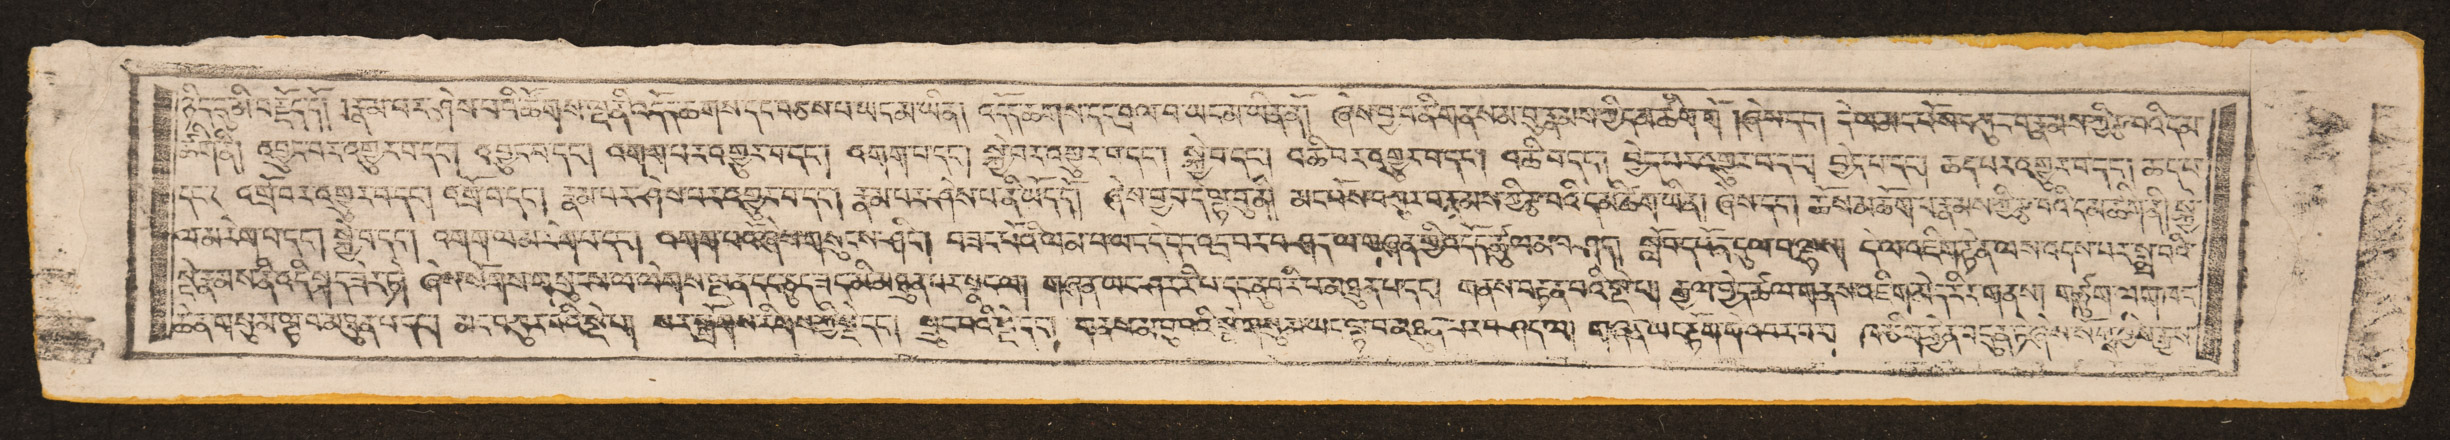ཉིད་དུ་མི་བརྗོད་དོ། །རྣམ་པར་ཤེས་པའི་ཚོགས་ལྔ་ནི་འདོད་ཆགས་དང་བཅས་པ་ཡང་མ་ཡིན། འདོད་ཆགས་དང་བྲལ་བ་ཡང་མ་ཡིན་ནོ། ཞེས་བྱ་བ་ནི་གནས་མ་བུ་རྣམས་ཀྱི་དམ་ཚིག་གོ །ཞེས་དང་། དེ་ལ་མང་པོས་བཀུར་བ་རྣམས་ཀྱི་རྩ་བའི་དམ་
ཚིག་ནི། འབྱུང་བར་འགྱུར་བ་དང་། འབྱུང་བ་དང་། འགག་པར་འགྱུར་བ་དང་། འགག་པ་དང་། སྐྱེ་བར་འགྱུར་བ་དང་། སྐྱེ་བ་དང་། འཆི་བར་འགྱུར་བ་དང་། འཆི་བ་དང་། བྱེད་པར་འགྱུར་བ་དང་། བྱེད་པ་དང་། ཆད་པར་འགྱུར་བ་དང་། ཆད་པ་
དང༑ འགྲོ་བར་འགྱུར་བ་དང་། འགྲོ་བ་དང་། རྣམ་པར་ཤེས་པར་འགྱུར་བ་དང་། རྣམ་པར་ཤེས་པ་ནི་ཡོད་དོ། ཞེས་བྱ་བ་དེ་ལྟ་བུ་ནི། མང་པོས་བཀུར་བ་རྣམས་ཀྱི་རྩ་བའི་དམ་ཚིག་ཡིན། ཞེས་དང་། ཆོས་མཆོག་པ་རྣམས་ཀྱི་རྩ་བའི་དམ་ཚིག་ནི། སྐྱེ་
ལམ་རེག་པ་དང་། སྐྱེ་བ་དང་། འགག་ལ་མ་རེག་པ་དང་། འགག་པའོ་ཞེས་གསུངས་ཤིང་། བཟང་པོའི་ལམ་པ་ཡང་དེ་དང་འདྲ་བར་བཤད་ལ་གཞན་གྱི་འདོད་ཚུལ་མ་བཤད། སློབ་དཔོན་དུལ་བ་ལྷས། དེ་ལ་འཇིག་རྟེན་ལས་འདས་པར་སྨྲ་བའི་
སྡེ་རྣམས་ནི་འདི་སྐད་ཟེར་ཏེ། ཞེས་སོགས་གསུངས་ལ་ལེགས་ལྡན་དང་ཅུང་ཟད་མི་མཐུན་པར་སྣང་ལ། གཞན་ཡང་ཤར་རི་བ་དང་ནུབ་རི་པ་མཐུན་པ་དང་། གནས་བརྟན་པའི་སྡེ་བ། རྒྱལ་བྱེད་ཚལ་གནས་འཇིག་མེད་རིར་གནས། གཙུག་ལག་ཁང་
ཆེན་གསུམ་ལྟ་བ་མཐུན་པ་དང་། མང་བཀུར་བའི་སྡེ་བ། སར་སྒྲོགས་རིགས་ཀྱི་སྡེ་དང་། སྲུང་བའི་སྡེ་དང་། གནས་མ་བུ་བའི་སྡེ་གསུམ་ཡང་ལྟ་བ་མཐུན་པར་བཤད་ལ། གཞན་ཡང་རྟོག་གེ་འབར་བར། ཁ་ཅིག་རྐྱེན་བདུན་ཏེ་ཞེས་སོགས་ཀྱིས་རྒྱས་